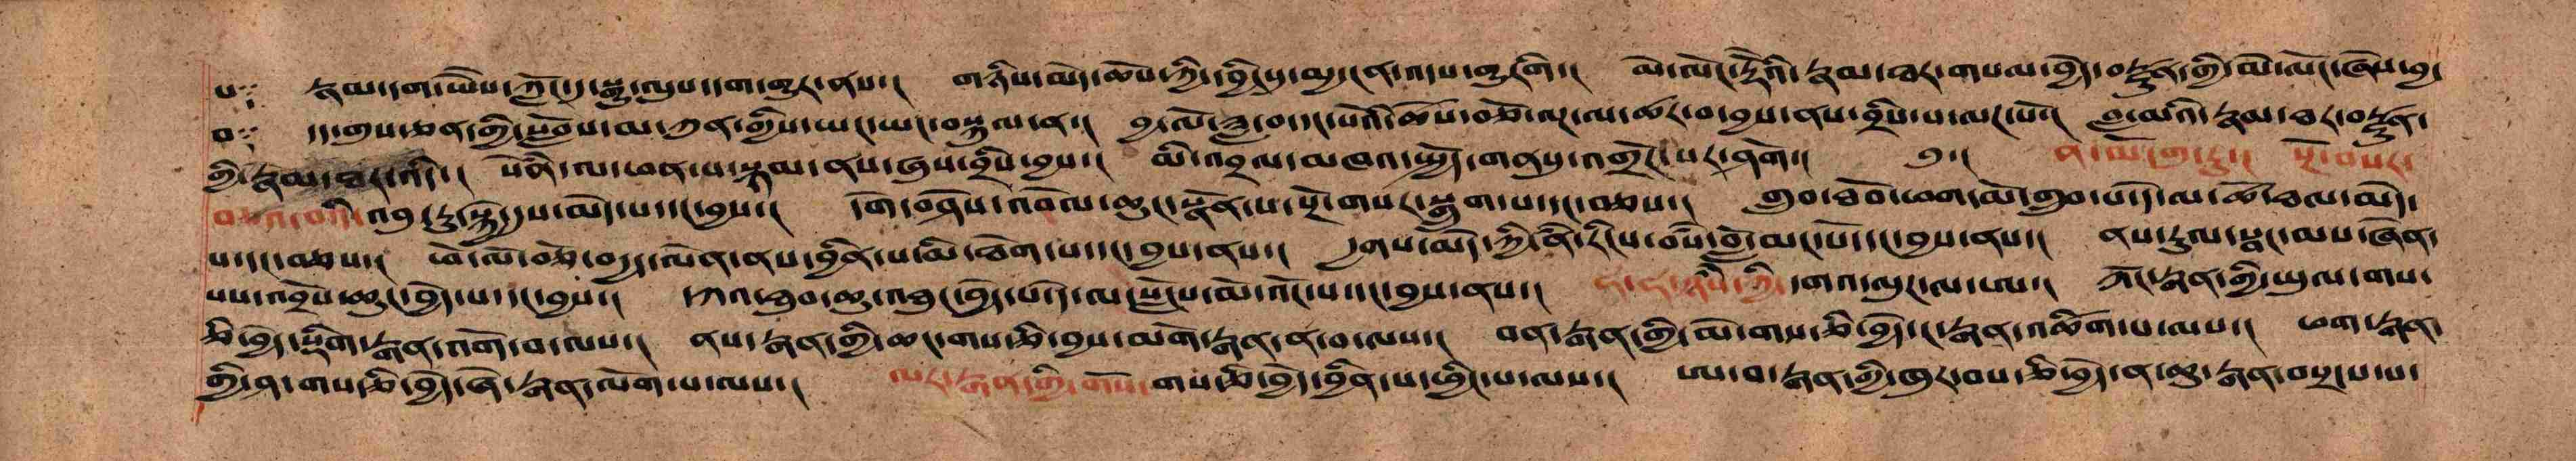པ༑ རྣམ་དག་ཡེ་ཤེས་ཀློང་དུ་སྒྱུ་ལུས་དག་གྱུར་ནས། གཉིས་མེད་ཆོས་ཀྱི་དབྱིངས་སུ་མྱ་ངན་འདས་གྱུར་ཅིག། མེ་ལོང་རྡོ་རྗེའི་རྣམ་ཐར་གསལ་བྱེད་བརྫུན་གྱི་མེ་ལོང་ཞེས་བྱ་
བ༑ དད་གུས་ཅན་གྱི་སློབས་མ་ཀུན་གྱིས་ཡང་ཡང་བསྐུལ་ན། བྱ་ལོ་ཟླ་བ་དང་པོའི་ཚེས་བཅོ་ལྔ་ལ་ཚར་བ་བྱས་ནས་བྲིས་པ་ལགས་སོ། བླ་མའི་རྣམ་ཐར་བརྫུན་
གྱི་རྣམ་ཐར་འདི། སེམས་ཅན་ལ་ཕན་པ་སྙམ་ནས་ཞུས་བྲིས་བྱས། མི་འབྲལ་མཁའ་སྤྱོད་གནས་སུ་འགྲོགས་པར་ཤོག།༄་། ན་མོ་གུ་རུ། སྔོ་བསར་
བཅའ་བའི་འབུ་རུ་སྐྱེ་དུས་མེད་པ་དང་བྱས། དགེ་བཤེས་འབེལ་ཆུང་སྣོན་པ་སྔོ་གསར་སྒྲུག་པ་དང་བཅས། གྲུབ་ཐོབ་ཕག་མོ་གྲུབ་པ་དེ་ལ་ཚོ་ཐལ་མེད་
པ་དང་བཅས། ཕོ་ལོ་བཅོ་བརྒྱད་ལེན་ནས་བྱིན་པ་མི་ཐེག་པ་དང་བྱས་ནས། རྒྱགས་མེད་ཀྱི་ནི་རིངས་བསམ་བློ་མང་པོ་དང་བྱས་ནས། ནས་རུལ་སྦང་མས་ཞེན་
པས་འབྲོས་ཆུང་བྱེད་པ་དང་བྱས། དཀའ་ཐུབ་ཆུ་འཐུང་བྱེད་པ་དེ་ལ་སློངས་མོ་འོང་པ་དང་བྱས་ནས། ཧ་ཧ་ཉམས་ཀྱི་དགའ་ལུགས་ལ་ཨ། ཀོང་རྒན་གྱི་ཡུལ་གས་
ཅི་བྱེད་སྡིག་རྒན་འགོ་བ་ལས། ནས་རྒན་གྱི་ཆང་གས་ཅི་བྱས་མགོ་རྒན་ན་བ་ལས། བན་རྒན་གྱི་མོ་གས་ཅི་བྱེད་ང་རྒན་འཚིག་པ་ལས། ཕག་རྒན་
གྱི་ཤ་གས་ཅི་བྱེད་ཞེ་རྒན་ལོག་པ་ལས། ལར་རྒན་གྱི་གོས་གས་ཅི་བྱེད་བྱིན་པ་ཕྱིང་པ་ལས། ཨ་བ་རྒན་གྱི་ཁུར་བས་ཅི་བྱེད་ན་ཆུ་རྒན་བསྲངས་པ་